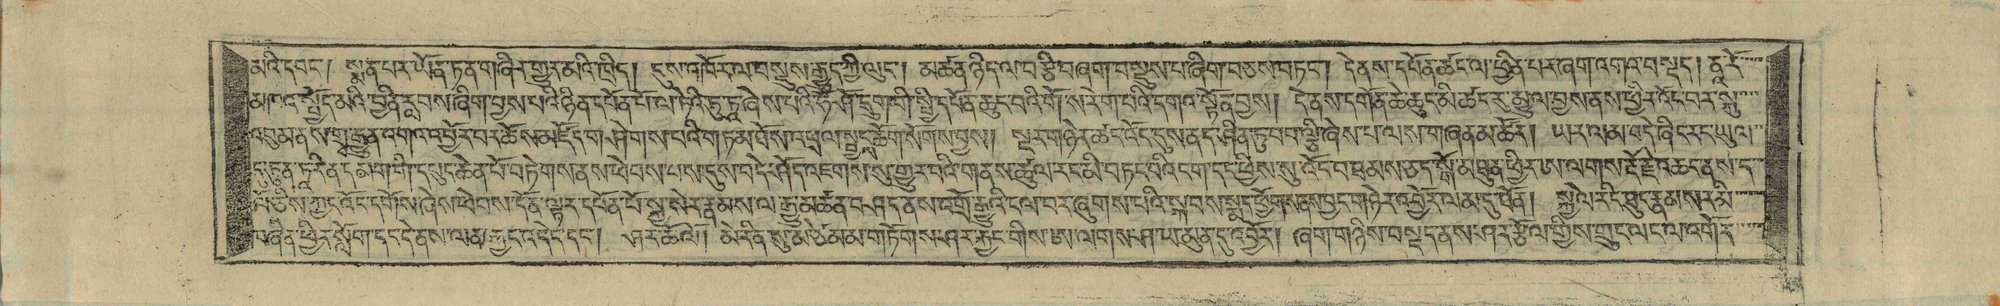མའི་དབང་། སྨན་པར་ཡོན་ཏན་གཞིར་གྱུར་མའི་ཁྲིད། དུས་འཁོར་ལ་བསྡུས་རྒྱུད་ཀྱི་ལུང་། མཚན་ཉིད་ལ་བརྩི་བཞག་བསྡུས་པ་ཞིག་བཅས་བཏང་། དེ་ནས་དཔོན་ཚང་ལ་ཕྱིན་པར་ཞག་འགའ་བསྡད། ནཱ་རོ་
མཁའ་སྤྱོད་མའི་བྱིན་རླབས་ཞིག་བྱས་པའི་ཉིན་དཔོན་པོ་ལ་ཏེའི་ཏུ་ཏཱ་ཞེས་པའི་ཧོ་ཤོ་དྲུག་གི་སྤྱི་དཔོན་ཆུང་བའི་གོ་ས་རེག་པའི་དགའ་སྟོན་བྱས། དེ་ནས་དགོན་ཆེ་ཆུང་མི་ཚད་རུ་མྱུལ་བྱས་ནས་ཕྱིར་འོད་པར་སྐུ་
འབུམ་ནས་གྲྭ་རྒྱུན་འགའ་འབྱོར་བར་ཆོས་མཛོད་གཤེགས་པའི་གཏམ་ཐོས་འཕྲལ་སྦྱངས་ཆོག་སོགས་བྱས། སྔར་གཉེར་ཚང་འོད་དུས་ནད་ཤིན་ཏུ་བབ་ལྕི་ཞེས་པ་ལས་གཞན་མ་ཚོར། ཡར་ལམ་བདེ་ཞིང་རང་ཡུལ་
དུ་ཏུན་ཏཱ་རིན་དམག་གི་དཔུང་ཆེན་པོ་བཏེགས་ནས་ཕེབས་པས་དུས་བདེ་ཤོད་འཇགས་སུ་གྱུར་བའི་གནས་ཚུལ་རང་མི་བཏང་བའི་ངག་དང་ཕྱིས་སུ་འོང་བ་ཐམས་ཅད་སྒོ་མཐུན་ཕྱིར་ཨ་ལགས་རྡོ་རྗེ་འཆང་ནས་ད་
ལོ་ཅིས་ཀྱང་འོང་དགོས་ཞེས་ཕེབས་དོན་ལྟར་དཔོན་པོ་སྐྱ་སེར་རྣམས་ལ་རྒྱུ་མཚན་བཤད་ནས་འགྲོ་རྒྱུའི་ངལ་བར་ཞུགས་པའི་སྐབས་སྨད་ཕྱོགས་ནས་བྱང་གཉེར་འབྱོར་ལམ་དུ་ཐོན། སྐྱེལ་རིང་ཐུང་རྣམས་རིམ་
བཞིན་ཕྱིན་སློག་དང་དེ་ནས་ལམ་རྐྱང་འདེད་དང་། ཤར་ཆོ་ལོ། མེ་རིན་སུ་མེ་ཙམ་མ་གཏོགས་ཤར་རྐྱང་གིས་ཨ་ལགས་ཤ་ཡ་མུན་དུ་འབྱོར། ཞག་གཉིས་བསྡད་ནས་ཤར་རྩོལ་གྱིས་གྲུང་ལང་ལ་འགོར་